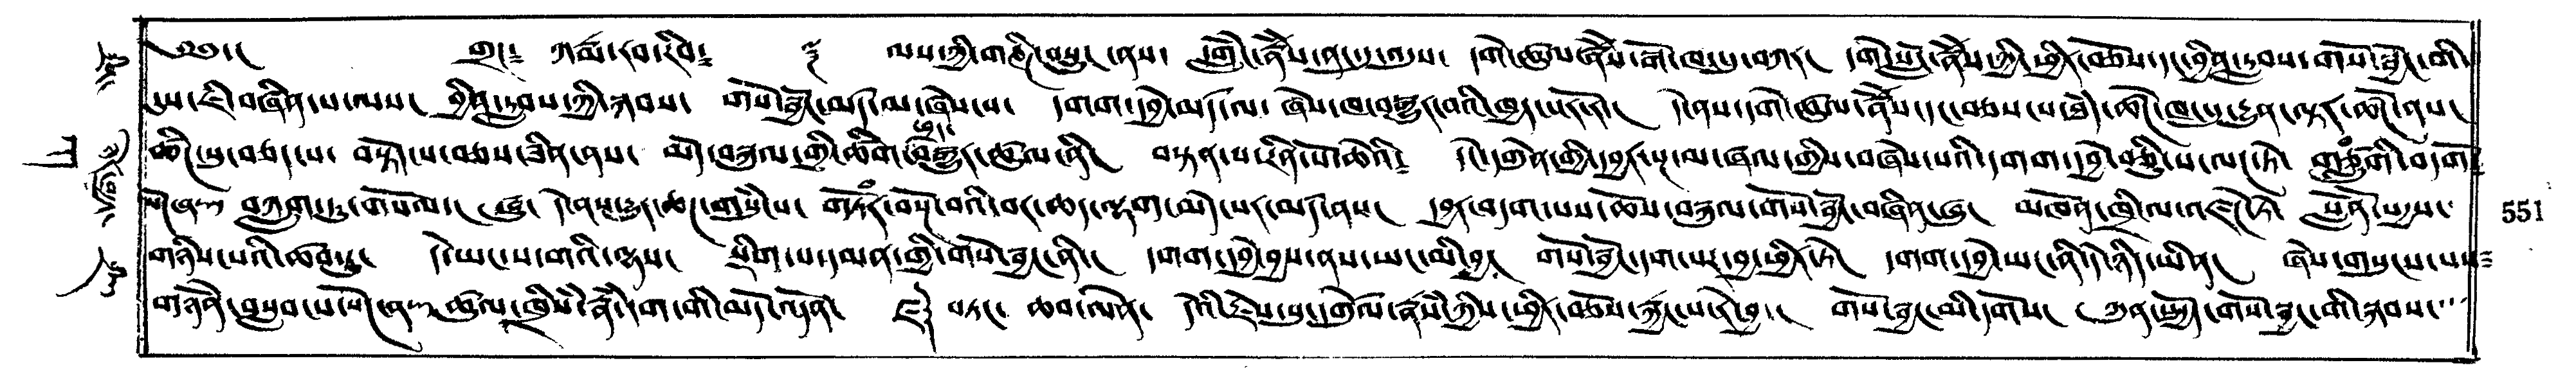༄༅།། གྲགས། སྐར་མ་རབ་རིབ། ༈ ལས་ཀྱི་གཎྜི་བརྡུང་ནས། དགེ་སློང་རྣམས་ནངདུ་བསྡུས། དགེ་ཚུལ་རྣམས་སྒོ་ཁང་དུ་བཀར། དགེ་སློང་རྣམས་ཀྱི་ཕྱིར་བཅོས་དང་བྱིན་བརླབ་གསོ་སྦྱོང་གི་
དུས་ཇི་བཞིན་པ་ལས། བྱིན་བརླབ་ཀྱི་སྐབས། གསོ་སྦྱོང་མཛད་ལ་ཞེས་པ། དགག་དབྱེ་མཛད་ལ། ཞེས་ཁ་བསྒྱུར་བའི་ཁྱད་པར་རོ།། དེ་ནས་དགེ་ཚུལ་རྣམས་དང་བཅས་པ་ཐམས་ཅད་ཚོགས་ཁང་དུ་རྒྱུན་ལྟར་ཚོགས་ནས། 
ཚིགས་སུ་བཅད་པ། བསྟོད་པ་བཅས་ཟིན་ནས། མདོ་བསྐུལ་གྱྀ་ཚིག་ཕྲད་བསྒྱུར་ཚུལ་ནི། བསྟན་པ་རིན་པོ་ཆེའི། དེང་དགེ་འདུུན་གྱི་དབྱར་སྔ་མ་ཞལ་གྱིས་བཞེས་པའི་དགག་དབྱེ་བཅུ་བཞི་པ་ལགས་ཏེ། གཙུག་ལག་ཁང་གི་བདག་པོ་
སོགས་ནས། བཀླག་ཏུ་གསོལ། ཞུ། དེ་ནས་རྒྱུན་ཆགས་གསུམ་པ། གཏོར་མ་བསྔོ་བའི་བར་ཆད་ལྷག་མེད་པར་མཛད་ནས། དབྱར་བདག་པས་ཆོས་བསྐུལ་གསོ་སྦྱོང་བཞིན་ཞུ། མཁན་པོ་ཁྲི་ལ་འཇོགས་ཏེ། སློབ་དཔོན་སངས་རྒྱས་
གཉིས་པའི་ཚབ་ཏུ། དེ་ཡང་ས་གའི་ལྷས། སྡིག་པ་དམན་གྱི་གསོ་སྦྱོང་ནི། །དགག་དབྱེ་བྱས་ནས་ཡང་མི་བྱ། ། གསོ་སྦྱོང་དག་པར་བྱ་ཕྱིར་ཏེ།། དགག་དབྱེ་ཡང་ནི་དེ་ཉིད་ཡིན། །ཞེས་གསུངས་པས༴ 
གཉེན་པོ་བསླབ་པ་སོགས་ནས་ཚུལ་ཁྲིམས་རྣམ་དག་གི་མདོ་འདོན། ཇ༽ བཏང་། ཆབ་ལེན། དེའི་རྗེས་སུ་དགེ་ཚུལ་རྣམས་ཀྱིས་ཕྱིར་བཅོས་རྐྱང་པ་རེ་བྱ། གསོ་སྦྱོང་མི་དགོས། ཀུན་སྤྱོད་གསོ་སྦྱོང་གི་སྐབས།